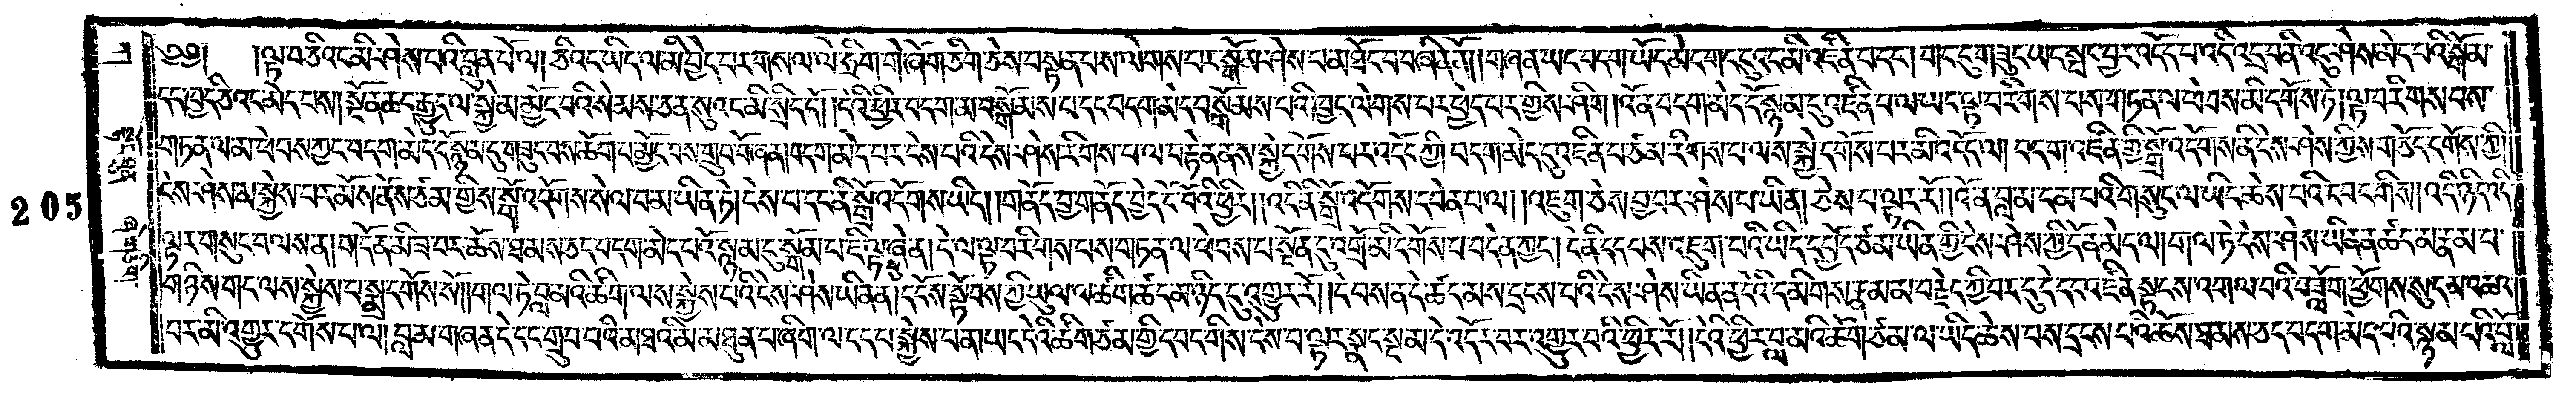༄༅། །ལྟ་བཅིའང་མི་ཤེས་པའི་བླུན་པོ་ལ། ཅིའང་ཡིད་ལ་མི་བྱེད་པར་གསལ་ལེ་ཧྲིག་གེ་ཞོག་ཅིག་ཅེས་བསྟན་བས་ལེགས་པར་སྒོམ་ཤེས་པ་མཐོང་བ་བཞིན་ནོ། །གཞན་ཡང་བདག་ཡོད་མེད་གང་དུའང་མི་འཛིན་པ་དང་། གང་དུ་གཟུང་ཡང་སྤང་བྱར་འདོད་པ་འདི་འདྲ་བ་ནི་འདུ་ཤེས་མེད་པའི་སྒོམ་
དང་ཁྱད་ཅིའང་མེད་པས། སྔོན་ཆད་རྒྱུད་ལ་སྐྱེ་མ་མྱོང་བའི་སེམས་ཅན་སུའང་མི་སྲིད་དོ། །དེའི་ཕྱིར་བདག་མ་བསྒོམས་པ་དང་བདག་མེད་བསྒོམས་པའི་ཁྱད་ལེགས་པར་ཕྱེད་པར་གྱིས་ཤིག །འོ་ན་བདག་མེད་དོ་སྙམ་དུ་འཛིན་པ་ལ་ཡང་ལྟ་བ་རིགས་པས་གཏན་ལ་ཕེབས་མི་དགོས་ཏེ། ལྟ་བ་རིགས་བས་
གཏན་ལམ་ཕེབས་ཀྱང་བདག་མེད་དོ་སྙམ་དུ་གཟུང་བས་ཆོག་པ་མྱོང་བས་གྲུབ་བོ་ཞེན། བདག་མེད་པར་ངེས་པའི་ངེས་ཤེས་རིགས་པ་ལ་བརྟེན་ནས་སྐྱེ་དགོས་པར་འདོད་ཀྱི། བདག་མེད་དུ་འཛིན་པ་ཙམ་རིགས་པ་ལས་སྐྱེ་དགོས་པར་མི་འདོད་ལ། བདག་འཛིན་གྱི་སྒྲོ་འདོགས་ནི་དེས་ཤེས་ཀྱིས་གཅོད་དགོས་ཀྱི་
ངེས་ཤེས་མ་སྐྱེས་བར་མོས་ནོས་ཙམ་གྱིས་སྒྲོ་འདོགས་སེལ་བ་མ་ཡིན་ཏེ། ངེས་པ་དང་ནི་སྒྲོ་འདོགས་ཡིད། །གནོད་བྱ་གནོད་བྱེད་ངོ་བོའི་ཕྱིར། །འདི་ནི་སྒྲོ་འདོགས་དབེན་པ་ལ། །འཇུག་ཅེས་བྱ་བར་ཤེས་པ་ཡིན། ཅེས་པ་ལྟར་རོ། །འོ་ན་བླ་མ་དམ་པའི་གསུང་ལ་ཡིད་ཆེས་བའི་དབང་གིས། འདི་ཉིད་འདི་
ལྟར་གསུང་བ་ལས་ན། གདོན་མི་ཟ་བར་ཆོས་ཐམས་ཅད་བདག་མེད་པའོ་སྙམ་དུ་སྒོམ་པ་ཇི་ལྟ་བུ་ཞེ་ན། དེ་ལ་ལྟ་བ་རིགས་པས་གཏན་ལ་ཕེབས་པ་སྔོན་དུ་འགྲོ་མི་དགོས་པ་བདེན་ཀྱང་། དེ་ནི་དད་པས་འཇུག་བའི་ཡིད་དབྱོད་ཙམ་ཡིན་གྱི་ངེས་ཤེས་ཀྱི་དོན་མེད་ལ། གལ་ཏེ་དེས་ཤེས་ཡིན་ན་ཚང་མ་རྣམ་པ་
གཉིས་གང་ལས་སྐྱེས་པ་སྨྲ་དགོས་སོ། །གལ་ཏེ་བླ་མའི་ཚིག་ལས་སྐྱེས་པའི་ངེས་ཤེས་ཡིན་ན། དངོས་སྟོབས་ཀྱི་ཡུལ་ལ་ཚིག་ཚད་མ་ཉིད་དུ་འགྱུར་རོ། །དེ་བས་ན་དེ་ཚད་མས་དྲངས་པའི་ངེས་ཤེས་ཡིན་ན་དེའི་དམིགས་རྣམ་མ་བརྗོད་ཀྱི་བར་དུ་དེ་དང་འཛིན་སྟངས་འགལ་བའི་བཟློག་ཕྱོགས་སུ་དམ་འཆའ་
བར་མི་འགྱུར་དགོས་པ་ལ། བླ་མ་གཞན་དེ་དང་གྲུབ་པའི་མཐའ་མི་མཐུན་པ་ཞིག་ལ་དད་པ་སྐྱེས་པ་ན། ཡང་དེའི་ཚིག་ཙམ་གྱི་དབང་གིས་ངེས་བ་ལྟར་སྣང་སྔ་མ་དེ་འདོར་བར་འགྱུར་བའི་ཕྱིར་རོ། །དེའི་ཕྱིར་བླ་མའི་ཆོག་ཙམ་ལ་ཡིད་ཆེས་བས་དྲངས་པའི་ཆོས་ཐམས་ཅད་བདག་མེད་པའོ་སྙམ་པའི་བློ་